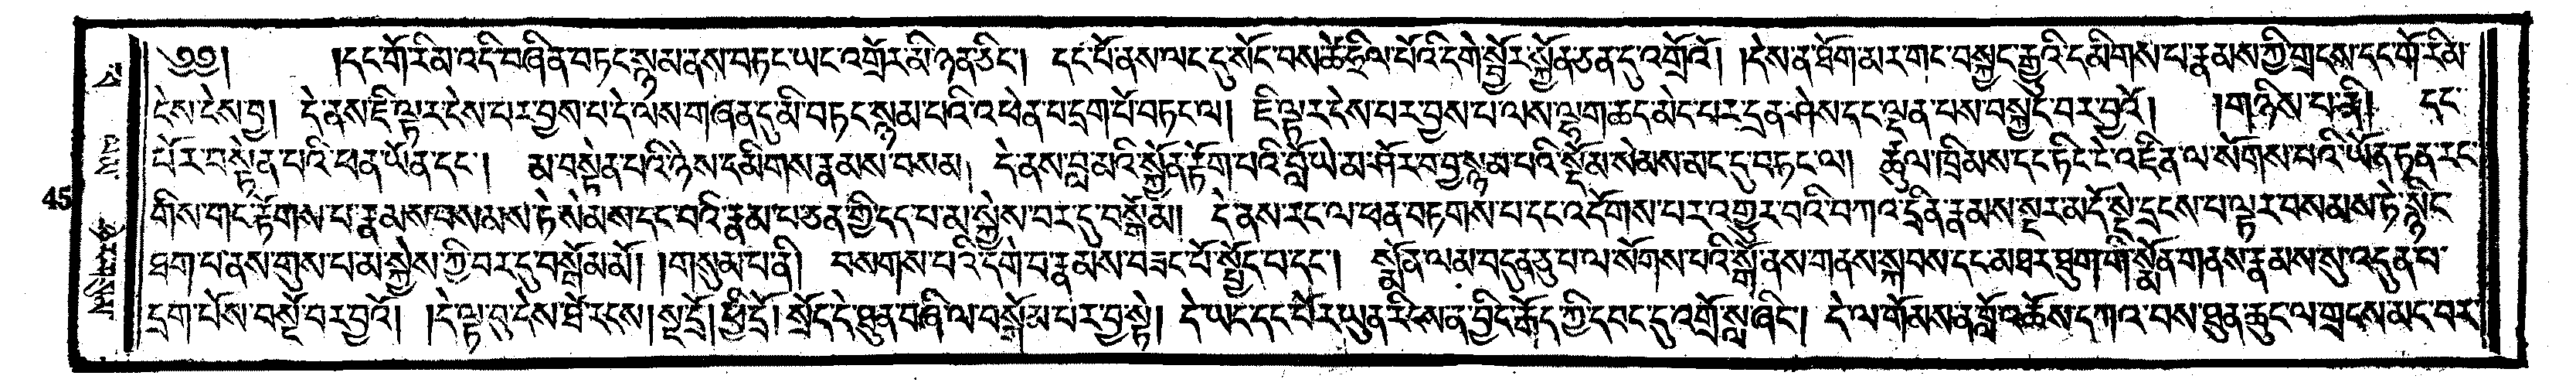༄༅། །དང་གོ་རིམ་འདི་བཞིན་བཏང་སྙམ་ནས་བཏང་ཡང་འགྲོར་མི་ཉན་ཅིང་། དང་པོ་ནས་ལང་དུ་སོང་བས་ཚེ་ཧྲིལ་པོའི་དགེ་སྦྱོར་སྐྱོན་ཅན་དུ་འགྲོའོ། །དེས་ན་ཐོག་མར་གང་བསྐྱང་རྒྱུའི་དམིགས་པ་རྣམས་ཀྱི་གྲངས་དང་གོ་རིམ་
ངེས་ངེས་བྱ། དེ་ནས་ཇི་ལྟར་ངེས་པར་བྱས་པ་དེ་ལས་གཞན་དུ་མི་བཏང་སྙམ་པའི་འཕེན་པ་དྲག་པོ་བཏང་ལ། ཇི་ལྟར་ངེས་པར་བྱས་པ་ལས་ལྷག་ཆད་མེད་པར་དྲན་ཤེས་དང་ལྡན་པས་བསྐྱང་བར་བྱའོ། །གཉིས་པ་ནི། དང་
པོར་བསྟེན་པའི་ཕན་ཡོན་དང་། མ་བསྟེན་པའི་ཉེས་དམིགས་རྣམས་བསམ། དེ་ནས་བླ་མའི་སྐྱོན་རྟོག་པའི་བློ་ཡེ་མ་ཤོར་བ་བྱ་སྙམ་པའི་སྡོམ་སེམས་མང་དུ་བཏང་ལ། ཚུལ་ཁྲིམས་དང་ཏིང་ངེ་འཛིན་ལ་སོགས་པའི་ཡོན་ཏན་རང་
གིས་གང་རྟོགས་པ་རྣམས་བསམས་ཏེ་སེམས་དང་བའི་རྣམ་པ་ཅན་གྱི་དད་པ་མ་སྐྱེས་བར་དུ་བསྒོམ། དེ་ནས་རང་ལ་ཕན་བཏགས་པ་དང་འདོགས་པར་འགྱུར་བའི་བཀའ་དྲིན་རྣམས་སྔར་མདོ་སྡེ་དྲངས་པ་ལྟར་བསམས་ཏེ་སྙིང་
ཐག་པ་ནས་གུས་པ་མ་སྐྱེས་ཀྱི་བར་དུ་བསྒོམ་མོ། །གསུམ་པ་ནི། བསགས་པའི་དགེ་བ་རྣམས་བཟང་པོ་སྤྱོད་པ་དང་། སྨོན་ལམ་བདུན་ཅུ་པ་ལ་སོགས་པའི་སྒོ་ནས་གནས་སྐབས་དང་མཐར་ཐུག་གི་སྨོན་གནས་རྣམས་སུ་འདུན་བ་
དྲག་པོས་བསྔོ་བར་བྱའོ། །དེ་ལྟ་བུ་དེས་ཐོ་རངས། སྔ་དྲོ་། ཕྱི་དྲོ། སྲོད་དེ་ཐུན་བཞི་ལ་བསྒོམ་པར་བྱ་སྟེ། དེ་ཡང་དང་པོར་ཡུན་རིངས་ན་བྱིང་རྒོད་ཀྱི་དབང་དུ་འགྲོ་སླ་ཞིང་། དེ་ལ་གོམས་ན་བློ་འཆོས་དཀའ་བས་ཐུན་ཆུང་ལ་གྲངས་མང་བར་